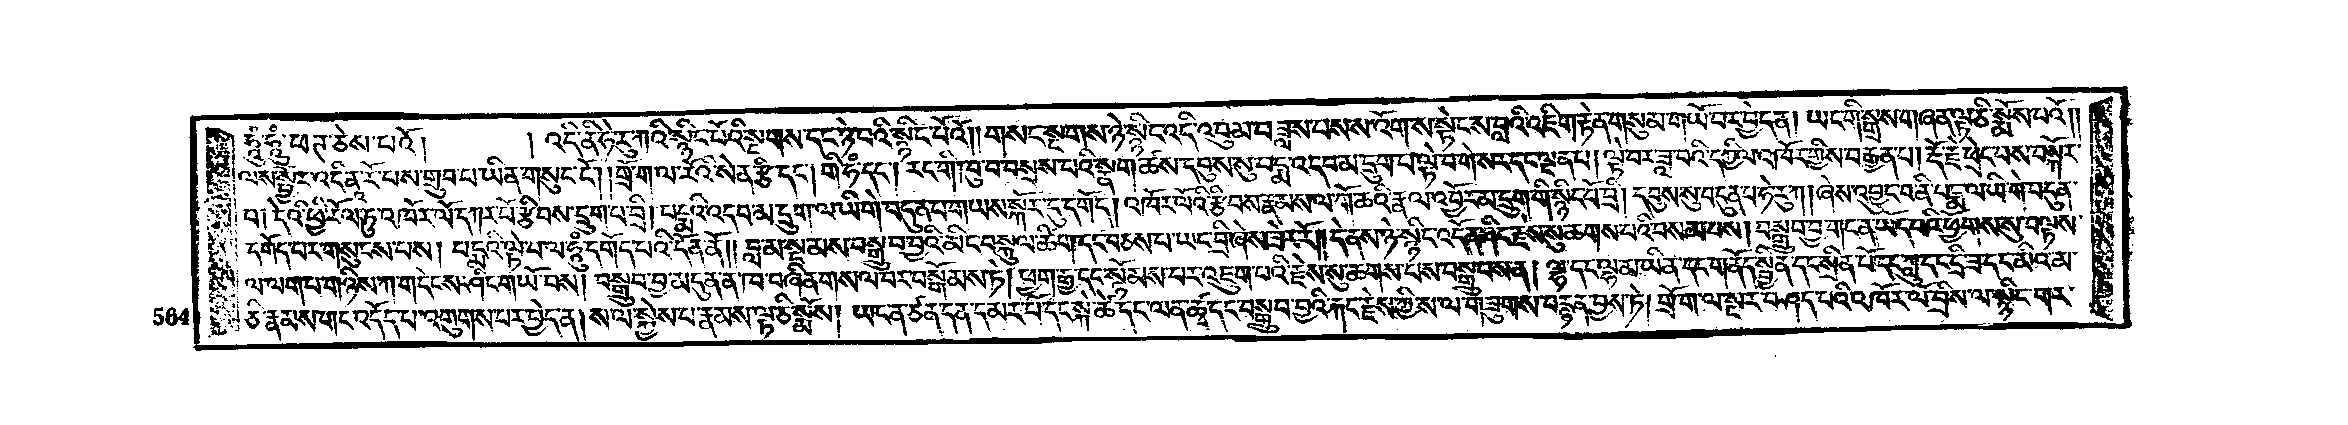ཧཱུཾ་ཧཱུཾ་ཕཊ་ཅེས་པའོ། །འདི་ནི་ཧེ་རུ་ཀའི་སྙིང་པོའི་སྔགས་དང་ཉེ་བའི་སྙིང་པོའོ། །གསང་སྔགས་ཉེ་སྙིང་འདི་འབུམ་བཟླས་པས་ས་འོག་ས་སྟེང་ས་བླའི་འཇིག་རྟེན་གསུམ་གཡོ་བར་བྱེད་ན། ཡང་གི་སྒྲས་གཞན་ལྟ་ཅི་སྨོས་པའོ། །
ལས་སྦྱོར་འདི་ནཱ་རོ་པས་གྲུབ་པ་ཡིན་གསུང་ངོ། །གྲོ་ག་ལ་རོའི་སེན་རྩི་དང་། གི་ཧཾ་དང་། རང་གི་ཁུ་བ་བསྲེས་པའི་སྣག་ཚས་དབུས་སུ་པདམ་འདབ་མ་དྲུག་པ་ལྟེ་བ་གེ་སར་དང་ལྡན་པ། ལྟེ་བར་ཟླ་བའི་དཀྱིལ་འཁོར་གྱིས་བརྒྱན་པ། རྡོ་རྗེ་ཕྲེང་བས་བསྐོར་
བ། དེའི་ཕྱི་རོལ་ཏུ་འཁོར་ལོ་དཀར་པོ་རྩིབས་དྲུག་པ་བྲི། པདམའི་འདབ་མ་དྲུག་ལ་ཡི་གེ་བདུན་པ་གཡས་སྐོར་དུ་དགོད། འཁོར་ལོའི་རྩིབས་རྣམས་ལ་གོ་ཆའི་རྣལ་འབྱོར་མ་དྲུག་གི་སྙིང་པོ་བྲི། དབུས་སུ་བདུན་པ་ཧེ་རུ་ཀ། ཞེས་འབྱུང་བ་ནི་པདམ་ལ་ཡི་གེ་བདུན་
དགོད་པར་གསུངས་པས། པདམའི་ལྟེ་བ་ལ་ཧཱུཾ་དགོད་པའི་དོན་ནོ། །བླ་མ་སྔ་མས་བསྒྲུབ་བྱའི་མིང་བསྐུལ་ཚིག་དང་བཅས་པ་ཡང་བྲི་ཞེས་ཟེར་རོ། །དེ་ནས་ཉེ་སྙིང་འདོན་ཞིང་རྗེས་སུ་ཆགས་པའི་བསམ་པས། བསྒྲུབ་བྱ་གང་ན་ཡོད་པའི་ཕྱོགས་སུ་བལྟས་
ལ་ལག་པ་གཉིས་ཀ་གདེངས་ཤིང་གཡོ་བས། བསྒྲུབ་བྱ་མདུན་ན་ཁ་བཞིན་གསལ་བར་བསྒོམས་ཏེ། ཕྱག་རྒྱ་དང་སྙོམས་པར་འཇུག་པའི་རྗེས་སུ་ཆགས་པས་བསྒྲུབས་ན། ལྷ་དང་ལྷ་མ་ཡིན་དང་གནོད་སྦྱིན་དང་སྲིན་པོ་དང་ཀླུ་དང་དྲི་ཟ་དང་མིའམ་
ཅི་རྣམས་གང་འདོད་པ་འགུགས་པར་བྱེད་ན། ས་ལ་སྐྱེས་པ་རྣམས་ལྟ་ཅི་སྨོས། ཡང་ན་ཙན་དན་དམར་པོ་དང་སྐེ་ཚེ་དང་ལན་ཚྭ་དང་བསྒྲུབ་བྱའི་རྐང་རྗེས་ཀྱི་ས་ལ་གཟུགས་བརྙན་བྱས་ཏེ། གྲོ་ག་ལ་སྔར་བཤད་པའི་འཁོར་ལོ་བྲིས་ལ་སྙིང་གར་